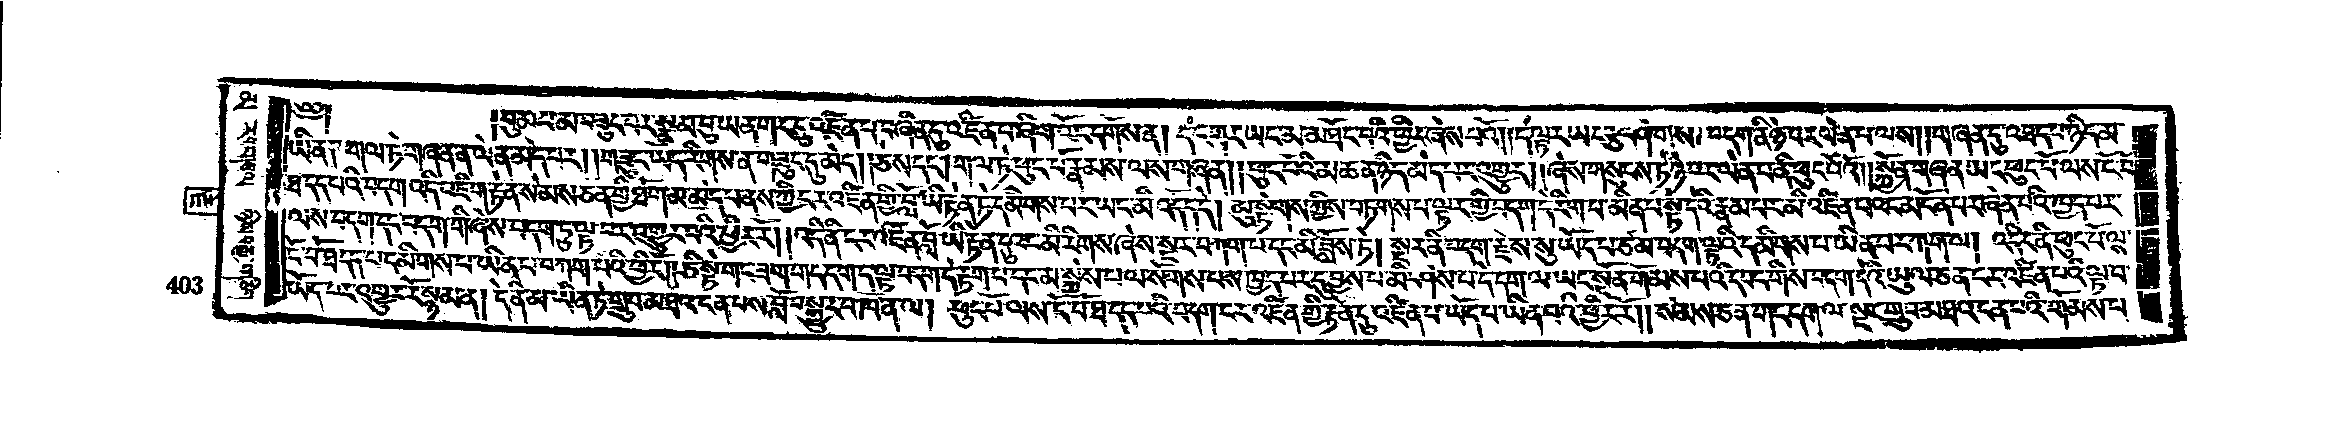༄༅། །བུམ་པ་མ་བཟུང་བར་སྣམ་བུ་ཡན་གར་དུ་འཛིན་པ་བཞིན་དུ་འཛིན་པ་ཞིག་འོང་དགོས་ན། དེ་འགར་ཡང་མ་མཐོང་བའི་ཕྱིར་ཞེས་པའོ། །དེ་ལྟར་ཡང་རྩ་ཤེ་ལས། བདག་ནི་ཉེ་བར་ལེན་པ་ལས། །གཞན་དུ་འཐད་པ་ཉིད་མ་
ཡིན། གལ་ཏེ་གཞན་ན་ལེན་མེད་པར། །གཟུང་ཡོད་རིགས་ན་གཟུང་དུ་མེད། །ཅེས་དང་། གལ་ཏེ་ཕུང་པོ་རྣམས་ལས་གཞན། །ཕུང་པོའི་མཚན་ཉིད་མེད་པར་འགྱུར། །ཞེས་གསུངས་ཏེ་ཉེ་བར་ལེན་པ་ནི་ཕུང་པོའོ། །སྐྱོན་གཞན་ཡང་ཕུང་པོ་ལས་ངོ་བོ་
ཐ་དད་པའི་བདག་འདི་འཇིག་རྟེན་སེམས་ཅན་གྱི་ཐོག་མ་མེད་པ་ནས་ཀྱི་ངར་འཛིན་གྱི་བློ་ཡི་རྟེན་ཏེ་དམིགས་པར་ཡང་མི་འདོད་དེ། མུ་སྟིགས་ཀྱིས་བཏགས་པ་ལྟར་གྱི་བདག་དེ་རིག་པ་མིན་པ་སྟེ་དེའི་རྣམ་པར་མི་འཛིན་པའང་མངོན་པར་ཞེན་པ་དེ་ཁྱད་པར་
ལས་བདག་དང་བདག་གི་ཞེས་བདག་ཏུ་ལྟ་བར་འགྱུར་བའི་ཕྱིར་རོ། །འདི་ནི་ངར་འཛིན་བློ་ཡི་རྟེན་དུའང་མི་རིགས་ཞེས་སྔར་བཀག་པ་དང་མི་ཟློས་ཏེ། སྔར་ནི་བདག་རྫས་སུ་ཡོད་པ་ཙམ་བདག་ལྟའི་དམིགས་པ་ཡིན་པར་བཀག་ལ། འདིར་ནི་ཕུང་པོ་ལས་
ངོ་བོ་ཐ་དད་པ་དམིགས་པ་ཡིན་པ་བཀག་པའི་ཕྱིར་རོ། །ཅི་སྟེ་གང་ཟག་གང་དག་ད་ལྟ་བདག་དེ་རྟག་པ་དང་མ་སྐྱེས་པ་ལ་སོགས་པས་ཁྱད་པར་དུ་བྱས་པ་མི་ཤེས་པ་དེ་དག་ལ་ཡང་སྔོན་གོམས་པའི་དབང་གིས་བདག་དེའི་ཡུལ་ཅན་ངར་འཛིན་པའི་ལྟ་བ་
ཡོད་པར་འགྱུར་རོ་སྙམ་ན། དེ་ནི་མ་ཡིན་ཏེ་གྲུབ་མཐའ་ངན་པས་བློ་བསྒྱུར་བ་ཁོ་ན་ལ། ཕུང་པོ་ལས་ངོ་བོ་ཐ་དད་པའི་བདག་ངར་འཛིན་གྱི་རྟེན་དུ་འཛིན་པ་ཡོད་པ་ཡིན་པའི་ཕྱིར་རོ། །སེམས་ཅན་གང་དག་ལ་སྔར་གྲུབ་མཐའ་ངན་པའི་གོམས་པ་